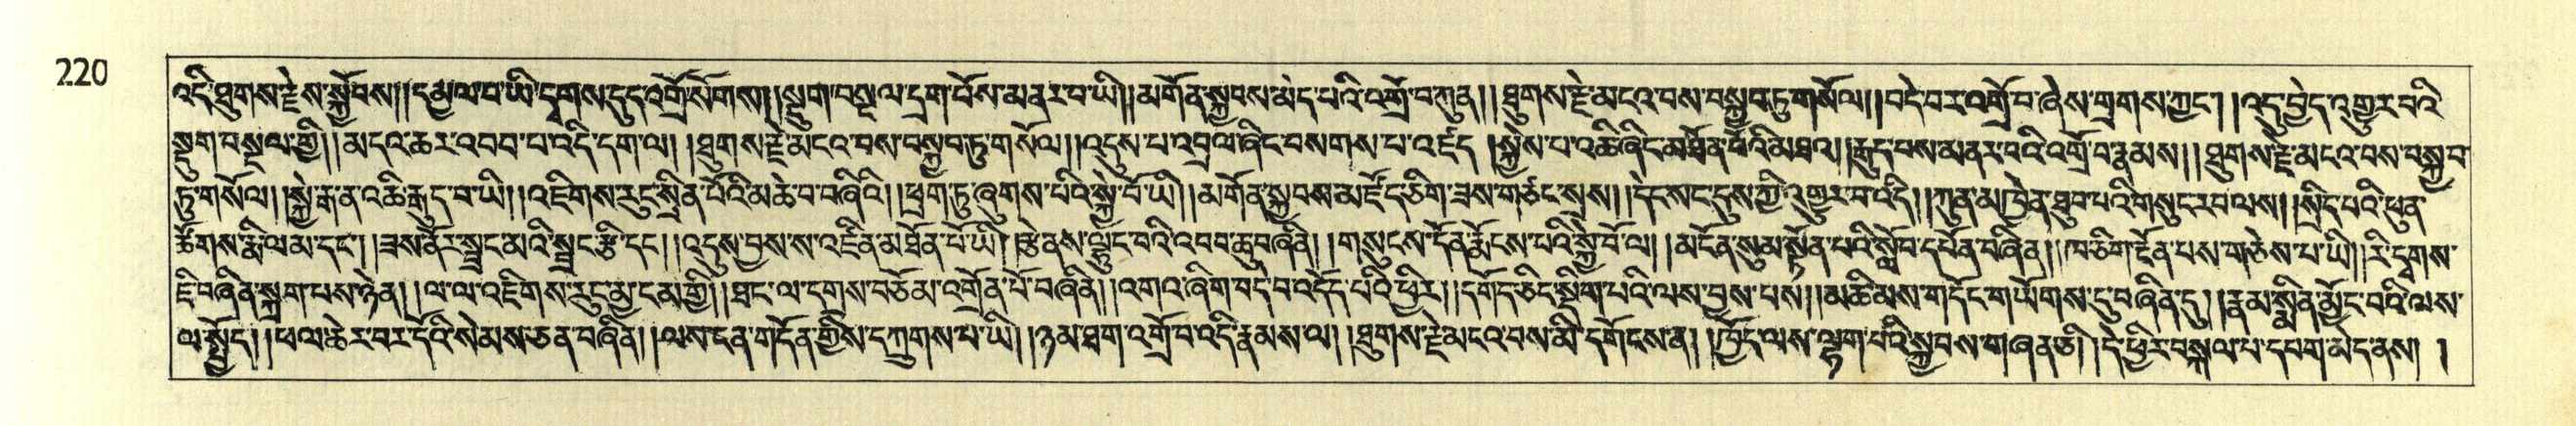འདི་ཐུགས་རྗེས་སྐྱོབས། །དམྱལ་བ་ཡི་དྭགས་དུད་འགྲོ་སོགས། །སྡུག་བསྔལ་དྲག་པོས་མནར་བ་ཡི། །མགོན་སྐྱབས་མེད་པའི་འགྲོ་བ་ཀུན། །ཐུགས་རྗེ་མངའ་བས་བསྐྱབ་ཏུ་གསོལ། །བདེ་བར་འགྲོ་བ་ཞེས་གྲགས་ཀྱང་། །འདུ་བྱེད་འགྱུར་བའི་
སྡུག་བསྔལ་གྱི། །མདའ་ཆར་འབབ་པ་འདི་དག་ལ། །ཐུགས་རྗེ་མངའ་བས་བསྐྱབ་ཏུ་གསོལ། །འདུས་པ་འབྲལ་ཞིང་བསགས་པ་འཛད། །སྐྱེས་པ་འཆི་ཞིང་མཐོན་པོའི་མཐའ། །རྒུད་བས་མནར་བའི་འགྲོ་བ་རྣམས། །ཐུགས་རྗེ་མངའ་བས་བསྐྱབ་
ཏུ་གསོལ། །སྐྱེ་རྒ་ན་འཆི་རྒུད་བ་ཡི། །འཇིགས་རུང་སྲིན་པོའི་མཆེ་བ་བཞིའི། །ཕྲག་ཏུ་ཞུགས་པའི་སྐྱེ་བོ་ཡི། །མགོན་སྐྱབས་མཛོད་ཅིག་ཟས་གཙང་སྲས། །དེང་སང་དུས་ཀྱི་འགྱུར་བ་འདི། །ཀུན་མཁྱེན་ཐུབ་པའི་གསུང་རབ་ལས། །སྲིད་པའི་ཕུན་
ཚོགས་རྨི་ལམ་དང་། །ཟས་ནོར་སྦྲང་མའི་སྦྲང་རྩི་དང་། །འདུས་བྱས་ས་འཛིན་མཐོན་པོ་ཡི། །རྩེ་ནས་ལྷུང་བའི་འབབ་ཆུ་བཞིན། །གསུངས་དོན་རྨོངས་པའི་སྐྱེ་བོ་ལ། །མངོན་སུམ་སྟོན་པའི་སློབ་དཔོན་བཞིན། །ཁ་ཅིག་རྔོན་པས་གཅེས་པ་ཡི། །རི་དྭགས་
ཇི་བཞིན་སྐྲག་པས་ཉེན། །ལ་ལ་འཇིགས་རུང་མྱ་ངམ་གྱི། །ཐང་ལ་དགྲས་བཅོམ་འགྲོན་པོ་བཞིན། །འགའ་ཞིག་བདེ་བ་འདོད་པའི་ཕྱིར། །དགོད་ཅིང་སྡིག་པའི་ལས་བྱས་པས། །མཆིམས་གདོང་གཡོགས་དུ་བཞིན་དུ། །རྣམ་སྨིན་མྱོང་བའི་ལས་
ལ་སྤྱོད། །ཕལ་ཆེར་བར་དོའི་སེམས་ཅན་བཞིན། །ལས་ངན་གདོན་གྱིས་དཀྲུགས་པ་ཡི། །ཉམ་ཐག་འགྲོ་བ་འདི་རྣམས་ལ། །ཐུགས་རྗེ་མངའ་བས་མི་དགོངས་ན། །ཁྱོད་ལས་ལྷག་པའི་སྐྱབས་གཞན་ཅི། །དེ་ཕྱིར་བསྐལ་པ་དཔག་མེད་ནས། །